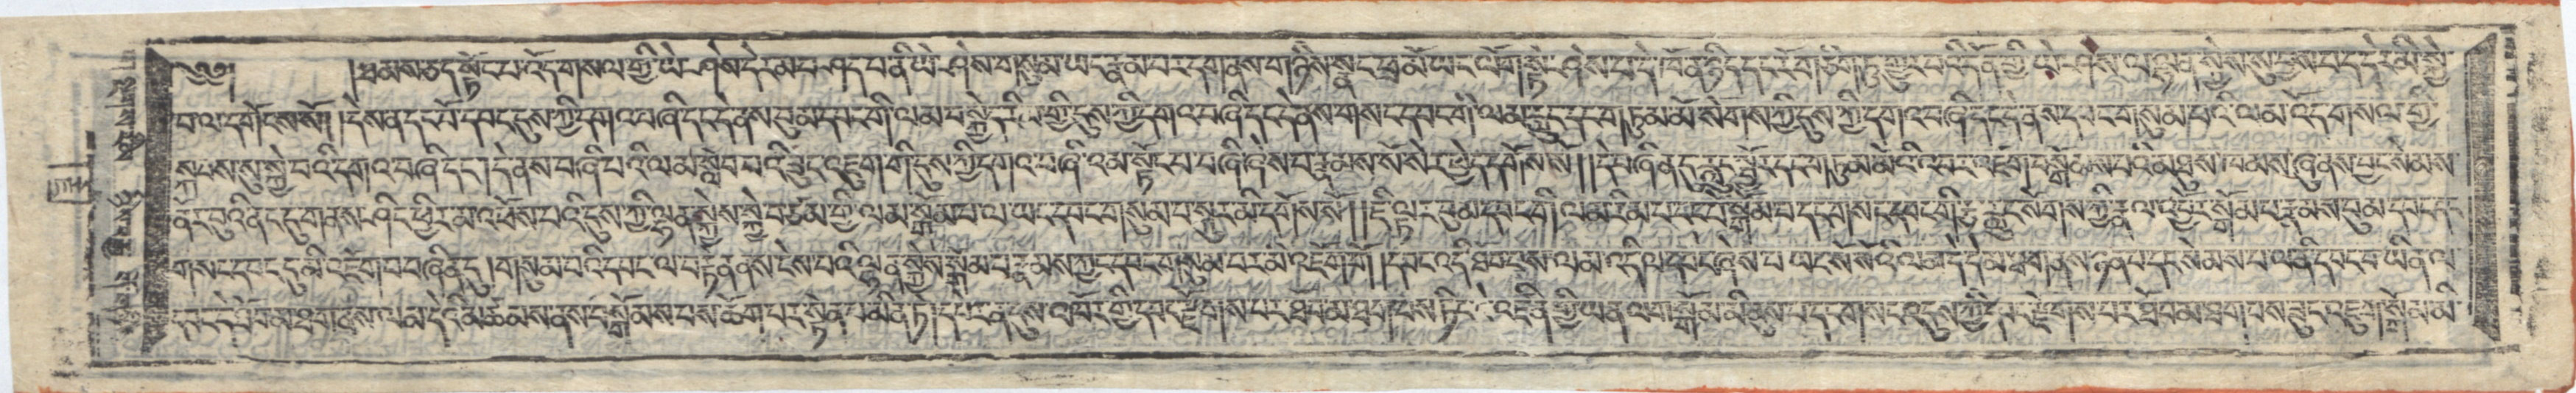༄༅། །ཐམས་ཅད་སྟོང་པ་འོད་གསལ་གྱི་ཡེ་ཤེས་དེར་མ་བཤད་པ་ནི་ཡེ་ཤེས་གསུམ་ཡང་རྣམ་པར་དག་ནས་གཉིས་སྣང་ཕྲ་མོ་ཡང་ལོག་སྟེ་ཤེས་པ་དེ་ཁོ་ན་ཉིད་དང་རོ་གཅིག་ཏུ་གྱུར་པའི་དོན་གྱི་ཡེ་ཤེས་ལ་ལྷན་སྐྱེས་སུ་བྱས་པ་དེ་དེར་མི་སྐྱེ་
བ་ལ་དགོངས་སོ། །དེས་ན་དང་པོ་དབང་དུས་ཀྱི་དགའ་བཞི་དང་དེ་ནས་བུམ་དབང་གི་ལམ་བསྐྱེད་རིམ་གྱི་དུས་ཀྱི་དགའ་བཞི་དང་དེ་ནས་གསང་དབང་གི་ལམ་རླུང་དང་གཏུམ་མོ་སོགས་ཀྱི་དུས་ཀྱི་དགའ་བཞི་དང་དེ་ནས་དབང་གསུམ་པའི་ལམ་འོད་གསལ་གྱི་
སྐབས་སུ་སྐྱེ་བའི་དགའ་བཞི་དང་། དེ་ནས་བཞི་པའི་ལམ་སློབ་པའི་ཟུང་འཇུག་གི་དུས་ཀྱི་དགའ་བཞི་འམ་སྟོང་པ་བཞི་ཞེས་པ་རྣམས་སོ་སོར་ཕྱེད་དགོས་སོ། །དེ་བཞིན་དུ་རླུང་སྦྱོར་དང་གཏུམ་མོའི་འབར་འཛག་བསྒོམས་པའི་མཐུས་ཁམས་ཞུ་ནས་བྱང་སེམས་
ནོར་བུའི་ནང་དུ་གནས་ཤིང་ཕྱིར་མ་འཕོས་པའི་དུས་ཀྱི་ལྷན་སྐྱེས་སྐྱེ་བ་ཙམ་གྱི་ལམ་སྒོམ་པ་ལ་ཡང་དབང་གསུམ་པ་སྐུར་མི་དགོས་སོ། །ཇི་ལྟར་བུམ་དབང་གི་ལམ་རིམ་པ་དང་པོ་སྒོམ་པ་དང་གསང་དབང་གི་རྩ་རླུང་སོགས་ཀྱི་རྣལ་འབྱོར་སྒོམ་པ་རྣམས་བུམ་དབང་དང་
གསང་དབང་དུ་མི་འཇོག་བ་བཞིན་དུ། གསུམ་པའི་དབང་ལ་བརྟན་ནས་ངེས་པའི་ལྷན་སྐྱེས་སྒོམ་པ་རྣམས་ཀྱང་དབང་གསུམ་པར་མི་འཇོག་གོ །དབང་འདི་ཐོབ་པས་ལམ་འདི་ལ་དབང་ཞེས་པ་ཡང་སོ་སོའི་ལམ་དེ་དེ་མ་ཐག་ནས་ཉན་པ་དང་སེམས་པ་ལ་ནི་དབང་བ་ཡིན་ལ་
དབང་དེ་ཐོབ་མ་ཐག་ནས་ལམ་དེའི་མཚམས་ནས་བསྒོམས་པས་ཆོག་པར་སྟེན་པ་མིན་ཏེ། དཔེར་ན་དུས་འཁོར་གྱི་དབང་རྫོགས་པར་ཐོབ་མ་ཐག་པས་ཏིང་ངེ་འཛིན་གྱི་ཡན་ལག་སྒོམ་མི་ནུས་པ་དང་གསང་འདུས་ཀྱི་དབང་རྫོགས་པར་ཐོབ་མ་ཐག་པས་ཟུང་འཇུག་སྒོམ་མི་